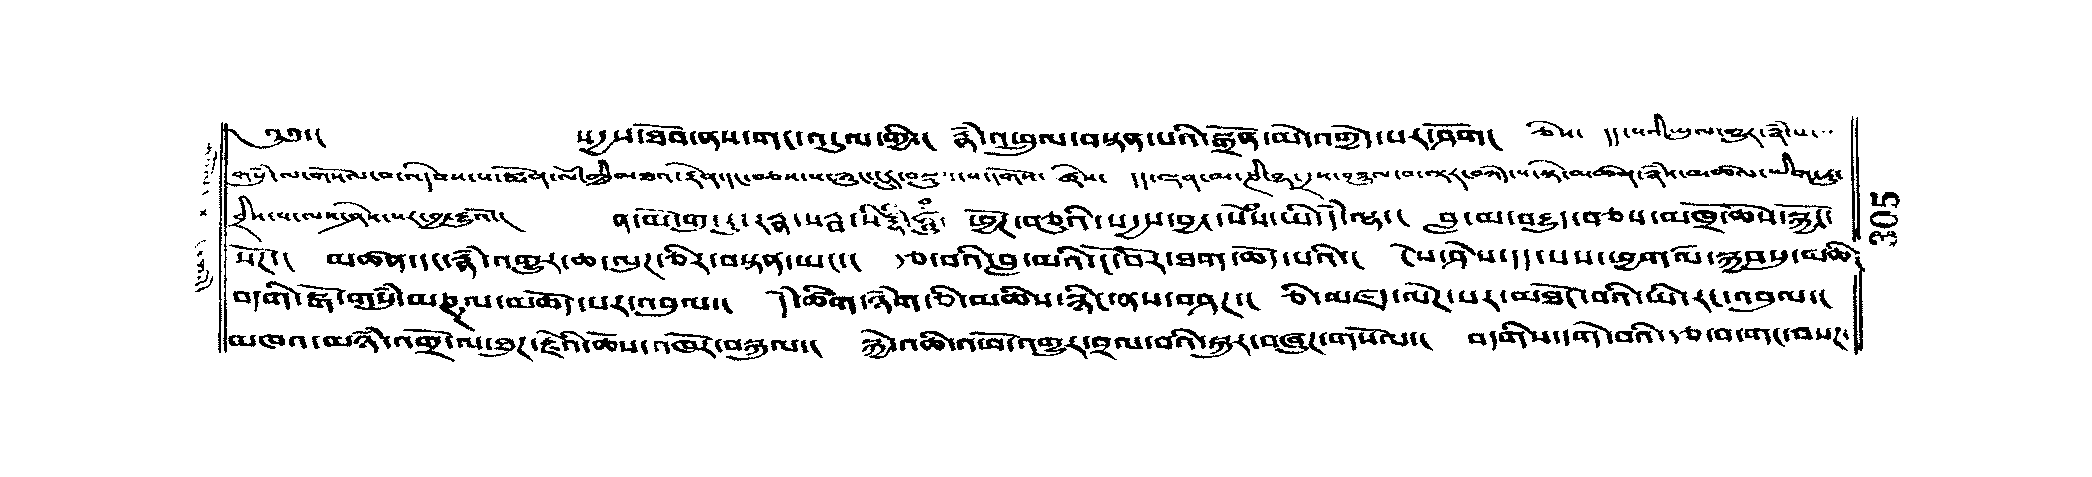སངས་རྒྱས་ཐོབ་ནས་གང་འདུལ་གྱི། །རྣམ་འཕྲུལ་བསྟན་པའི་སྒྲོན་མེ་འགྱེད་པར་ཤོག ཅེས་དད་པའི་ཡུལ་གྱུར་རྣམ་པ་
གསུམ་ལ་གསོལ་བ་འདེབས་པ་སྨོན་ལམ་གྱི་མཐའ་རྟེན་དང་བཅས་པ་ཉུང་ངུར་བསྡུས་པ་དགོས་ཞེས་དད་ལྡན་མ་ཎི་བྷ་དྲས་བསྐུལ་བ་ལྟར་བཀོད་པ་སྟེ་མཚན་རྣམས་མཚལ་ཡིག་ཏུ་
བྲིས་པ་ལས་ཤེས་པར་བྱ་རྒྱུའོ།། ན་མོ་གུ་རུ་རཏྣ་སརྦ་སིདྡྷི་ཧཱུྃ། ཕྱོགས་བཅུའི་སངས་རྒྱས་བྱང་སེམས་ཡི་དམ་ལྷ། །བླ་མ་བརྒྱུད་བཅས་མཁའ་འགྲོ་ཆོས་སྐྱོང་
སོགས། །མཚན་དང་རྣམ་འགྱུར་ཆ་ལུགས་ཅིར་བསྟན་ཡང་། །རྩ་བའི་བླ་མའི་ངོ་བོར་ཐག་ཆོད་པའི། །ངེས་ཤེས་དད་པས་ཕྱག་འཚལ་སྐྱབས་སུ་མཆི། །
བདག་གི་སྒོ་གསུམ་མཎྜལ་མཆོད་པར་འབུལ། །དམ་ཚིག་ཉམ་ཆག་ཅི་མཆིས་སྙིང་ནས་བཤགས། །ཅི་མཛད་ལེགས་པར་མཐོང་བའི་ཡི་རང་འབུལ། །
མཁའ་མཉམ་འགྲོ་ལ་ཐུགས་རྗེའི་ཆོས་འཁོར་བསྐུལ། །སྐྱེ་འཆི་འཕོ་འགྱུར་བྲལ་བའི་སྐུར་བཞུགས་གསོལ། །བདག་གིས་དགེ་བའི་རྩ་བ་གང་བསགས་